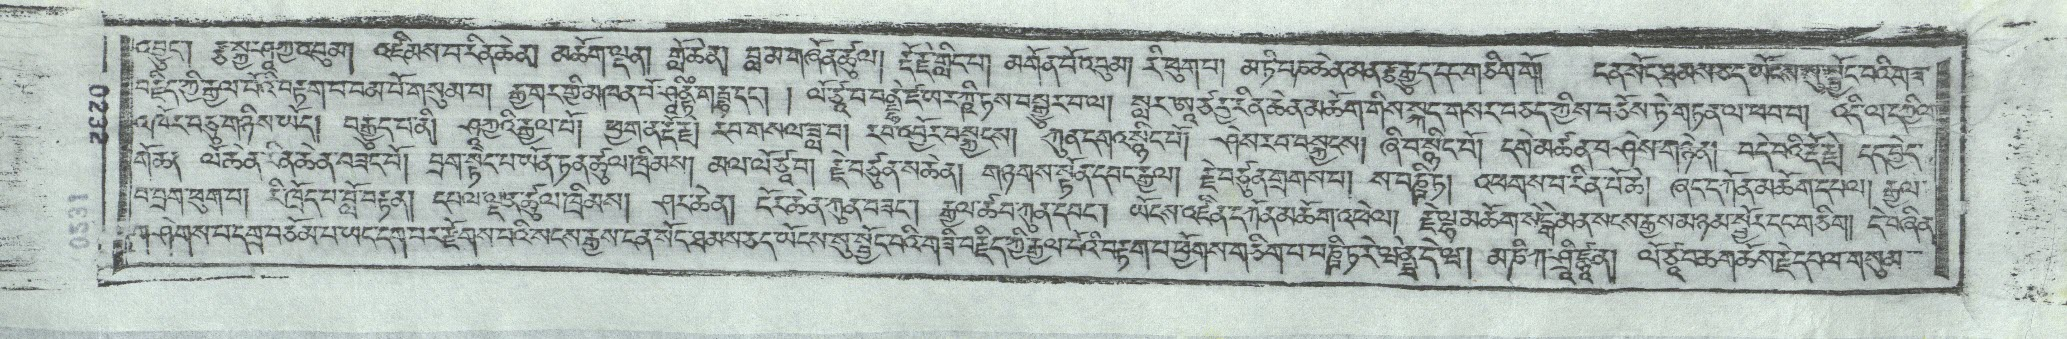འབྱུང་། རྩ་སྐྱ་ཤཱཀྱ་འབུམ། འཛིམས་པ་རིན་ཆེན། མཆོག་ལྡན། གློ་ཆེན། བླ་མ་གཞོན་ཚུལ། རྡོ་རྗེ་གླིང་བ། མགོན་པོ་འབུམ། རི་ཕུག་པ། མ་ཏི་པཎ་ཆེན་མན་རྩ་རྒྱུད་དང་གཅིག་གོ། ངན་སོང་ཐམས་ཅད་ཡོངས་སུ་སྦྱོང་བའི་གཟ་
བརྗིད་ཀྱི་རྒྱལ་པོའི་བརྟག་པ་བམ་པོ་གསུམ་པ། རྒྱ་གར་གྱི་མཁན་པོ་ཤཱིནྟཾ་གརྦྷ་དང་། ལོ་ཙཱ་བ་བནྡྷེ་ཛ་ཡ་རཀྵི་ཏས་བསྒྱུར་བ་ལ། སླར་ཨཱ་ཙརྱ་རིན་ཆེན་མཆོག་གིས་སྐད་གསར་བཅད་ཀྱིས་བཅོས་ཏེ་གཏན་ལ་ཕབ་པ། འདི་ལ་དཀྱིལ་
འཁོར་བཅུ་གཉིས་ཡོད། བརྒྱུད་པ་ནི། ཤཱཀྱའི་རྒྱལ་པོ། ཕྱག་ན་རྡོ་རྗེ། རབ་གསལ་ཟླ་བ། རབ་འབྱོར་བསྐྱངས། ཀུན་དགའ་སྙིང་པོ། ཤེས་རབ་བསྐྱངས། ཞི་བ་སྙིང་པོ། དགེ་མཚན་བཤེས་གཉེན། བདེ་བའི་རྡོ་རྗེ། དད་བྱེད་
གོ་ཆ༑ ལོ་ཆེན་རིན་ཆེན་བཟང་པོ། ཕྲག་སྟེང་པ་ཡོན་ཏན་ཚུལ་ཁྲིམས། མལ་ལོ་ཙཱ་བ། རྗེ་བཙུན་ས་ཆེན། གཉགས་སྟོན་དབང་རྒྱལ། རྗེ་བཙུན་གྲགས་པ། ས་པཎྜི་ཏ། འཕགས་པ་རིན་པོ་ཆེ། ཞང་དཀོན་མཆོག་དཔལ། རྒྱལ་
བ་བྲག་ཕུག་པ། རི་ཁྲོད་པ་བློ་བརྟན། དཔལ་ལྡན་ཚུལ་ཁྲིམས། ཤར་ཆེན། ངོར་ཆེན་ཀུན་བཟང་། རྒྱལ་ཚབ་ཀུན་དབང་། ཡོངས་འཛིན་དཀོན་མཆོག་འཕེལ། རྗེ་ལྷ་མཆོག་སེངྒེ་མན་སངས་རྒྱས་མཉམ་སྦྱོར་དང་གཅིག། དེ་བཞིན་
གཤེགས་པ་དགྲ་བཅོམ་པ་ཡང་དག་པར་རྫོགས་པའི་སངས་རྒྱས་ངན་སོང་ཐམས་ཅད་ཡོངས་སུ་སྦྱོད་བའི་གཟི་བརྗིད་ཀྱི་རྒྱལ་པོའི་བརྟག་པ་ཕྱོགས་གཅིག་པ་པཎྜི་ཏ་རེ་ཝེནྡྲ་དེ་ཝ། མ་ཎི་ཀ་ཤྲཱི་ཛྙཱ་ན། ལོ་ཙཱ་བ་ཆག་ཆོས་རྗེ་དཔལ་གསུམ་